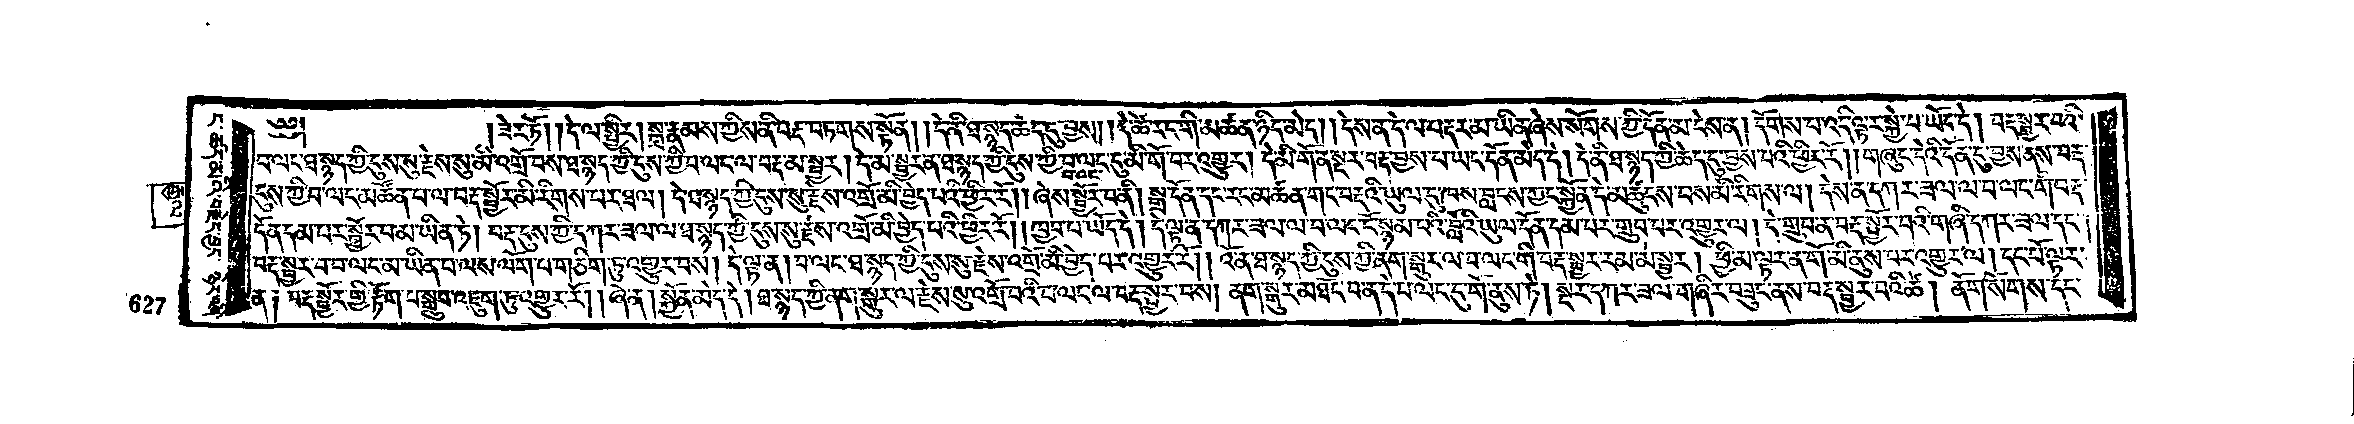༄༅། །ཟེར་ཏོ། །དེ་ལ་སྤྱིར། སྒྲ་རྣམས་ཀྱིས་ནི་བརྡ་བཏགས་སྟོན། །དེ་ནི་ཐ་སྙད་ཆེད་དུ་བྱས། །དེ་ཚེ་རང་གི་མཚན་ཉིད་མེད། །དེས་ན་དེ་ལ་བརྡར་མ་ཡིན་ཞེས་སོགས་ཀྱི་དོན་མ་ངེས་ན། དོགས་པ་འདི་ལྟར་སྐྱེ་བ་ཡོད་དེ། བརྡ་སྦྱར་བའི་
བ་ལང་ཐ་སྙད་ཀྱི་དུས་སུ་རྗེས་སུ་མི་འགྲོ་བས་ཐ་སྙད་ཀྱི་དུས་ཀྱི་བ་ལང་ལ་བརྡ་མ་སྦྱར། དེ་མ་སྦྱར་ན་ཐ་སྙད་ཀྱི་དུས་ཀྱིའང་བ་ལང་དུ་མི་གོ་བར་འགྱུར། དེ་མི་གོ་ན་སྔར་བརྡ་བྱས་པ་ཡང་དོན་མེད་དེ། དེ་ནི་ཐ་སྙད་ཀྱི་ཆེ་དུ་བྱས་པའི་ཕྱིར་རོ། །གཞུང་དེའི་དོན་དུ་བྱས་ནས་བརྡ་
དུས་ཀྱི་བ་ལང་མཚོན་པ་ལ་བརྡ་སྦྱོར་མི་རིགས་པར་ཐལ། དེ་ཐ་སྙད་ཀྱི་དུས་སུ་རྗེས་འགྲོ་མི་བྱེད་པའི་ཕྱིར་རོ། །ཞེས་སྦྱོར་བ་ནི། སྒྲ་དོན་དང་རང་མཚན་གང་བརྡའི་ཡུལ་དུ་ཁས་བླངས་ཀྱང་སྐྱོན་དེ་མཚུངས་པས་མི་རིགས་ལ། དེས་ན་དཀར་ཟལ་ལ་བ་ལང་གི་བརྡ་
དོན་དམ་པར་སྦྱོར་བ་མ་ཡིན་ཏེ། བརྡ་དུས་དཀར་ཟལ་ལ་ཐ་སྙད་ཀྱི་དུས་སུ་རྗེས་འགྲོ་མི་བྱེད་པའི་ཕྱིར་རོ། །ཁྱབ་པ་ཡོད་དེ། དེ་ལྟ་ན་དཀར་ཟླ་ལ་བ་ལང་ངོ་སྙམ་པའི་བློའི་ཡུལ་དོན་དམ་པར་གྲུབ་པར་འགྱུར་ལ། དེ་གྲུབ་ན་བརྡ་སྦྱོར་བའི་གཞི་དཀར་ཟལ་དང་།
བརྡ་སྦྱར་བ་བ་ལང་མ་ཡིན་པ་ལས་ལོག་པ་གཅིག་ཏུ་འགྱུར་བས། དེ་ལྟ་ན། བ་ལང་ཐ་སྙད་ཀྱི་དུས་སུ་རྗེས་འགྲོ་མི་བྱེད་པར་འགྱུར་རོ། །འོ་ན་ཐ་སྙད་ཀྱི་དུས་ཀྱི་ནག་སྒུར་ལ་བ་ལང་གི་བརྡ་སྦྱར་རམ་མི་སྦྱར། ཕྱི་མ་ལྟར་ན་གོ་མི་ནུས་པར་འགྱུར་ལ། དང་པོ་ལྟར་
ན། བརྡ་སྦྱོར་གྱི་རྟོག་པ་སྒྲུབ་འཇུག་ཏུ་འགྱུར་རོ། །ཞེས་ན། སྐྱོན་མེད་དེ། ཐ་སྙད་ཀྱི་ནག་སྒུར་ལ་རྗེས་སུ་འགྲོ་བའི་བ་ལང་ལ་བརྡ་སྦྱར་བས། ནག་སྒུར་མཐོང་བ་ན་དེ་བ་ལང་དུ་གོ་ནུས་ཏེ། སྔར་དཀར་ཟླ་གཞིར་བཟུང་ནས་བརྡ་སྦྱར་བའི་ཚེ། ནོག་སོགས་དང་